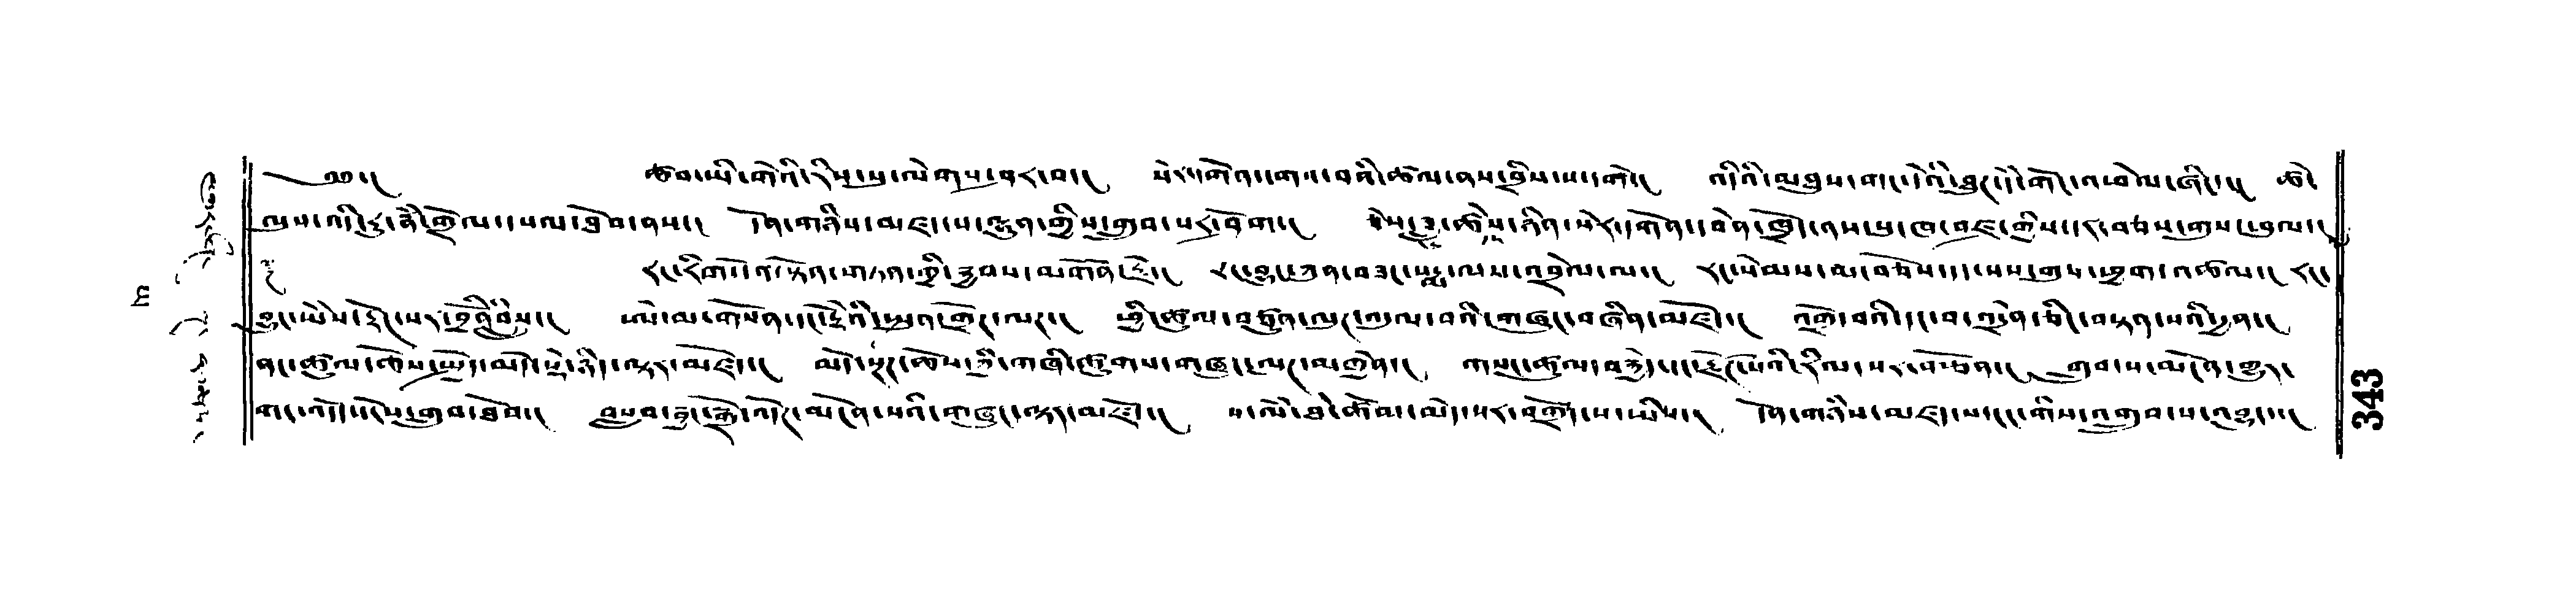ཚབ་ཡི་གེའི་རིས་སུ་ལེགས་ཤར་བ། །སེར་དགོན་དགའ་བའི་ཚལ་ནས་བྲིས་པ་དགེ །འདིའི་མཐུས་གང་དེའི་ཐུགས་དམ་གོང་འཕེལ་ཞིང་། །ཚེ་
ལུས་འདི་རུ་རྣམ་གྲོལ་དཔལ་ཐོབ་ནས། །དོན་གཉིས་མཛད་པ་ལྷུན་གྱིས་གྲུབ་པར་ཤོག ཅེས་ཟླ་༦ཚེས་༡༥ཉིན་སེར་དགོན་དབེན་ཁྲོད་ནས་སུ་ཁ་བཛྲ་གྱིས་དར་བཅས་གུས་ཕུལ།། 
༈ རང་རིག་དོན་སྟོན་གཏན་གྱི་སྐྱབས་མགོན་རྗེ། །རང་བྱུང་ཀུན་བཟང་པདྨ་ལས་འབྲེལ་ལ། །རང་སེམས་མ་བཅོས་དད་པས་གུས་ཕྱག་འཚལ། །རང་
བྱུང་ཡེ་ཤེས་རྟོགས་པར་བྱིན་གྱིས་རློབས། །ཨེ་མ་གསོན་དང་རྡོ་རྗེའི་སྤུན་གྲོགས་ལགས། །ཕྱི་ཚུལ་བཙུན་ལུགས་འདུལ་བའི་གཞུང་བཞིན་མཛོད། །འགྲོ་བའི་དང་བ་འདྲེན་ཅིང་བསྟན་པའི་རྒྱན། །
ནང་ཚུལ་ཆོས་སྤྱོད་མདོ་སྡེ་ཉིད་ལྟར་མཛོད། །མདོ་སྔགས་ཆོས་ཀྱི་གཞི་ཚུགས་གཞུང་ལུགས་མཁྱེན། །གསང་ཚུལ་བསྐྱེད་དང་རྫོགས་པའི་རིམ་པར་བརྩོན། །གྲུབ་པ་མངོན་གྱུར་
གང་འདོད་དངོས་གྲུབ་ཐོབ། །བསླབ་སྦྱང་སྒྲོ་འདོགས་མངོན་པའི་གཞུང་ལྟར་མཛོད། །ས་ལམ་ཐེ་ཚོམ་མེད་པར་བགྲོད་པ་ཡིས། །དོན་གཉིས་མཛད་པ་ངང་གིས་འགྲུབ་པར་འབྱུང་།